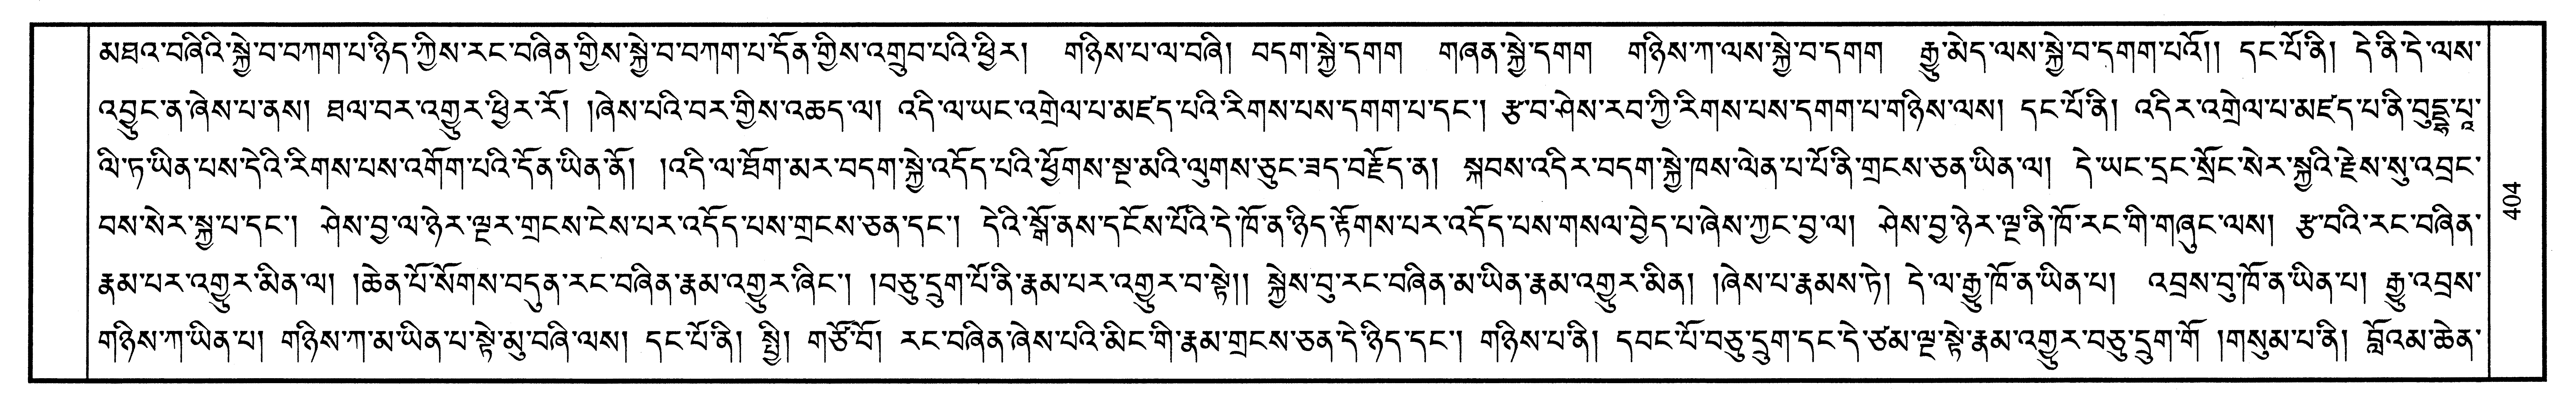མཐའ་བཞིའི་སྐྱེ་བ་བཀག་པ་ཉིད་ཀྱིས་རང་བཞིན་གྱིས་སྐྱེ་བ་བཀག་པ་དོན་གྱིས་འགྲུབ་པའི་ཕྱིར། གཉིས་པ་ལ་བཞི། བདག་སྐྱེ་དགག །གཞན་སྐྱེ་དགག །གཉིས་ཀ་ལས་སྐྱེ་བ་དགག །རྒྱུ་མེད་ལས་སྐྱེ་བ་དགག་པའོ།། དང་པོ་ནི། དེ་ནི་དེ་ལས་
འབྱུང་ན་ཞེས་པ་ནས། ཐལ་བར་འགྱུར་ཕྱིར་རོ། །ཞེས་པའི་བར་གྱིས་འཆད་ལ། འདི་ལ་ཡང་འགྲེལ་པ་མཛད་པའི་རིགས་པས་དགག་པ་དང་། རྩ་བ་ཤེས་རབ་ཀྱི་རིགས་པས་དགག་པ་གཉིས་ལས། དང་པོ་ནི། འདིར་འགྲེལ་པ་མཛད་པ་ནི་བུདྡྷ་པཱ་
ལི་ཏ་ཡིན་པས་དེའི་རིགས་པས་འགོག་པའི་དོན་ཡིན་ནོ། །འདི་ལ་ཐོག་མར་བདག་སྐྱེ་འདོད་པའི་ཕྱོགས་སྔ་མའི་ལུགས་ཅུང་ཟད་བརྗོད་ན། སྐབས་འདིར་བདག་སྐྱེ་ཁས་ལེན་པ་པོ་ནི་གྲངས་ཅན་ཡིན་ལ། དེ་ཡང་དྲང་སྲོང་སེར་སྐྱའི་རྗེས་སུ་འབྲང་
བས་སེར་སྐྱ་པ་དང་། ཤེས་བྱ་ལ་ཉེར་ལྔར་གྲངས་ངེས་པར་འདོད་པས་གྲངས་ཅན་དང་། དེའི་སྒོ་ནས་དངོས་པོའི་དེ་ཁོ་ན་ཉིད་རྟོགས་པར་འདོད་པས་གསལ་བྱེད་པ་ཞེས་ཀྱང་བྱ་ལ། ཤེས་བྱ་ཉེར་ལྔ་ནི་ཁོ་རང་གི་གཞུང་ལས། རྩ་བའི་རང་བཞིན་
རྣམ་པར་འགྱུར་མིན་ལ། །ཆེན་པོ་སོགས་བདུན་རང་བཞིན་རྣམ་འགྱུར་ཞིང་། །བཅུ་དྲུག་པོ་ནི་རྣམ་པར་འགྱུར་བ་སྟེ།། སྐྱེས་བུ་རང་བཞིན་མ་ཡིན་རྣམ་འགྱུར་མིན། །ཞེས་པ་རྣམས་ཏེ། དེ་ལ་རྒྱུ་ཁོ་ན་ཡིན་པ། འབྲས་བུ་ཁོ་ན་ཡིན་པ། རྒྱུ་འབྲས་
གཉིས་ཀ་ཡིན་པ། གཉིས་ཀ་མ་ཡིན་པ་སྟེ་མུ་བཞི་ལས། དང་པོ་ནི། སྤྱི། གཙོ་བོ། རང་བཞིན་ཞེས་པའི་མིང་གི་རྣམ་གྲངས་ཅན་དེ་ཉིད་དང་། གཉིས་པ་ནི། དབང་པོ་བཅུ་དྲུག་དང་དེ་ཙམ་ལྔ་སྟེ་རྣམ་འགྱུར་བཅུ་དྲུག་གོ །གསུམ་པ་ནི། བློའམ་ཆེན་